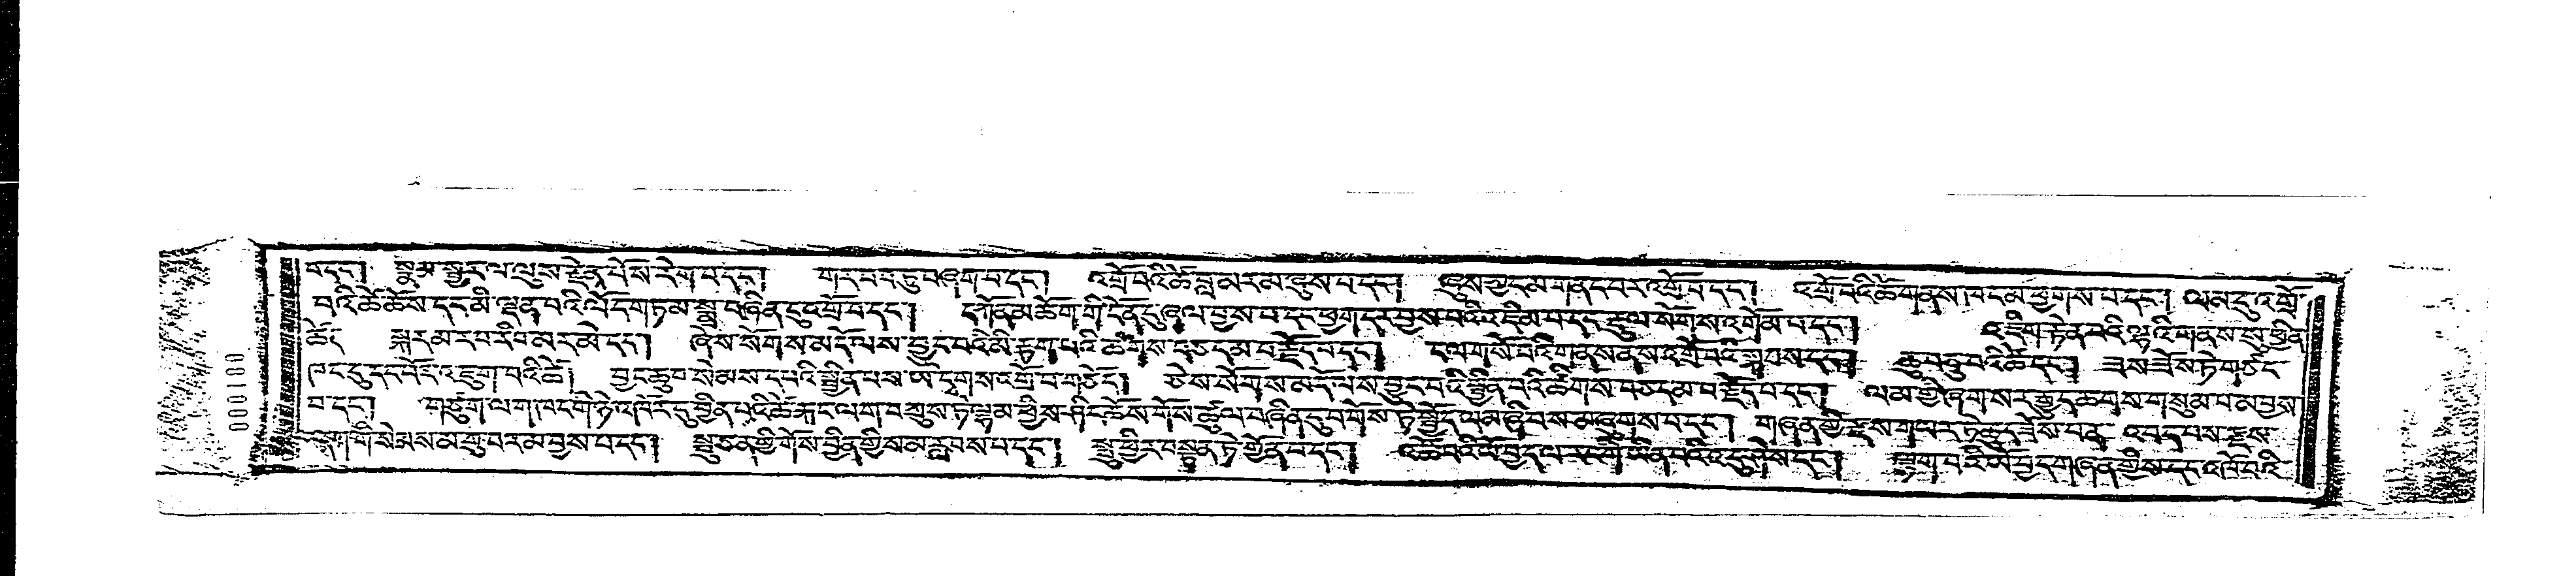བ་དང་། སྣམ་སྦྱར་ལ་ལུས་རྗེན་པོས་རེག་པ་དང་། གར་བབ་ཏུ་བཞག་པ་དང་། འགྲོ་བའི་ཚེ་བླ་མར་མ་ཞུས་པ་དང་། ཞུས་ཀྱང་མ་གནང་བར་འགྲོ་བ་དང་། འགྲོ་བའི་ཚེ་གནས་ཁང་མ་ཕྱགས་པ་དང་། ལམ་དུ་འགྲོ་
བའི་ཚེ་ཆོས་དང་མི་ལྡན་པའི་ལོང་གཏམ་སྨྲ་བཞིན་དུ་འགྲོ་བ་དང་། དཀོན་མཆོག་གི་དོན་དུ་ཞལ་བྱས་པ་དང་ཕྱག་དར་བྱས་པའི་འཇིམ་པ་དང་རྡུལ་སོགས་འགོམ་པ་དང་། འཇིག་རྟེན་པའི་ལྷའི་གནས་སུ་ཕྱིན་
ཚེ༑ སྐར་མ་རབ་རིབ་མར་མེ་དང་། ཞེས་སོགས་མདོ་ལས་བྱུང་བའི་མི་རྟག་པའི་ཚིགས་བཅད་མ་བརྗོད་པ་དང་། ངལ་གསོ་བའི་གནས་ནས་འགྲོ་བའི་སྐབས་དང་། ཆུ་བཅུ་པའི་ཚེ་དང་། ཟས་ཟོས་ཏེ་གཙང་
ཁང་དུ་དང་པོར་འཇུག་པའི་ཚེ། བྱང་ཆུབ་སེམས་དཔའི་སྦྱིན་པས་ཡི་དྭགས་འགྲོ་བ་གཅོད། ཅེས་སོགས་མདོ་ལས་བྱུང་བའི་སྦྱིན་པའི་ཚིགས་བཅད་མ་བརྗོད་པ་དང་། ལམ་གྱི་ཞག་སར་རྒྱུད་ཆགས་གསུམ་པ་མ་བྱས་
པ་དང་། གཙུག་ལག་ཁང་གི་ཉེ་འཁོར་དུ་བྱིན་པའི་ཚེ་རྐང་ལག་བཀྲུས་ཏེ་ལྷམ་ཕྱིས་ཤིང་ཆོས་གོས་ཚུལ་བཞིན་དུ་བགོས་ཏེ་སྤྱོད་ལམ་ཞི་བས་མ་ཞུགས་པ་དང་། གཞན་གྱི་རྫས་གཡར་ཏེ་ཆུད་ཟོས་པ་ན་འབད་པས་རྫས་
བདག་གི་སེམས་མ་གུ་བར་མ་བྱས་པ་དང་། སྤུ་ཅན་གྱི་གོས་བྱིན་གྱིས་མ་རླབས་པ་དང་། སྤུ་ཕྱིར་བསྟན་ཏེ་གྱོན་པ་དང་། འཚོ་བའི་ཡོ་བྱད་ལ་རང་གི་ཡིན་པའི་འདུ་ཤེས་དང་། ལྷག་པའི་ཡོ་བྱད་གཞན་གྱིས་དང་འཁོ་བའི་